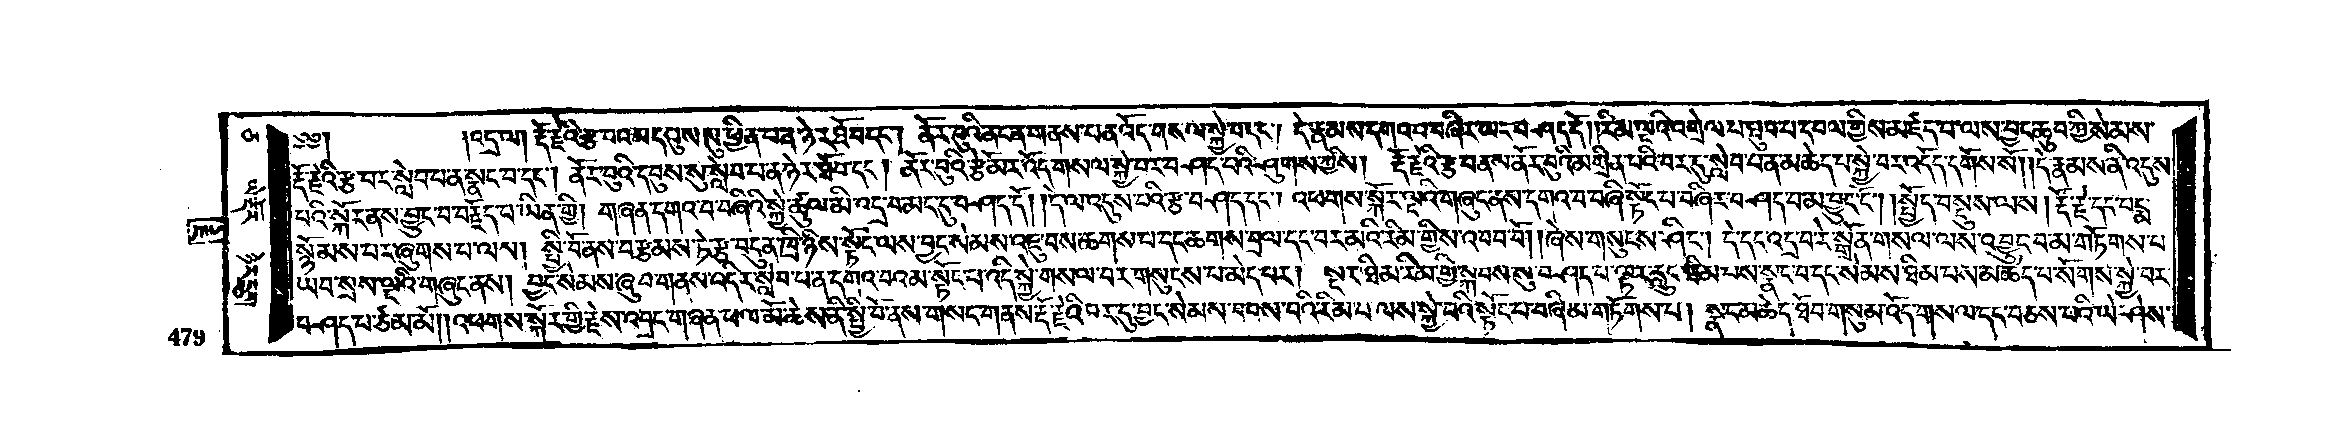༄༅། །འདྲ་ལ། རྡོ་རྗེའི་རྩ་བའམ་དབུས་སུ་ཕྱིན་པ་ན་ཉེར་ཐོབ་དང་། ནོར་བུའི་ནང་ན་གནས་པ་ན་འོད་གསལ་སྐྱེ་བ་དང་། དེ་རྣམས་དགའ་བ་བཞིར་ཡང་བཤད་དོ། །རིམ་ལྔའི་འགྲེལ་པ་ཐུབ་པ་དཔལ་གྱིས་མཛད་པ་ལས་བྱང་ཆུབ་ཀྱི་སེམས་
རྡོ་རྗེའི་རྩ་བར་སླེབ་པ་ན་སྣང་བ་དང་། ནོར་བུའི་དབུས་སུ་སླེབ་པ་ན་ཉེར་ཐོབ་དང་། ནོར་བུའི་རྩེ་མོར་འོད་གསལ་སྐྱེ་བར་བཤད་པའི་ཤུགས་ཀྱིས། རྡོ་རྗེའི་རྩ་བ་ནས་ནོར་བུའི་མགྲིན་པའི་བར་དུ་སླེབ་པ་ན་མཆེད་པ་སྐྱེ་བར་འདོད་དགོས་སོ། །དེ་རྣམས་ནི་འདུས་
པའི་སྐོར་ནས་བྱུང་བ་བརྗོད་པ་ཡིན་གྱི། གཞན་དགའ་བ་བཞིའི་སྐྱེ་ཚུལ་མི་འདྲ་བ་མང་དུ་བཤད་དོ། །དེ་ལ་འདུས་པའི་རྩ་བཤད་དང་། འཕགས་སྐོར་ལྔའི་གཞུང་ནས་དགའ་བ་བཞི་སྟོང་པ་བཞིར་བཤད་པ་མ་བྱུང་ངོ། །སྤྱོད་བསྡུས་ལས། རྡོ་རྗེ་དང་པདམ་
སྙོམས་པར་ཞུགས་པ་ལས། སྤྱི་བོ་ནས་བརྩམས་ཏེ་རྩ་བདུན་ཁྲི་ཉིས་སྟོང་ལས་བྱང་སེམས་འཇུ་བས་ཆགས་པ་དང་ཆགས་བྲལ་དང་བར་མེའི་རིམ་གྱིས་འབབ་བོ། །ཞེས་གསུངས་ཤིང་། དེ་དང་འདྲ་བ་རེ་སྒྲོན་གསལ་ལས་འབྱུང་བ་མ་གཏོགས་པ་
ཡབ་སྲས་ལྔའི་གཞུང་ནས། བྱང་སེམས་ཞུ་བ་གནས་འདིར་སླེབ་པ་ན་དགའ་བའམ་སྟོང་པ་འདི་སྐྱེ་གསལ་བར་གསུངས་པ་མེད་པར། སྔར་ཐིམ་རིམ་གྱི་སྐབས་སུ་བཤད་པ་ལྟར་རླུང་ཐིམ་པས་སྣང་བ་དང་སེམས་ཐིམ་པས་མཆེད་པ་སོགས་སྐྱེ་བར་
བཤད་པ་ཙམ་མོ། །འཕགས་སྐོར་གྱི་རྗེས་འབྲང་གཞན་ཕལ་མོ་ཆེས་ནི་སྤྱི་བོ་ནས་གསང་གནས་རྡོ་རྗེའི་བར་དུ་བྱང་སེམས་བབས་པའི་རིམ་པ་ལས་སྐྱེ་བའི་སྟོང་པ་བཞི་མ་གཏོགས་པ། སྣང་མཆེད་ཐོབ་གསུམ་འོད་གསལ་དང་བཅས་པའི་ཡེ་ཤེས་